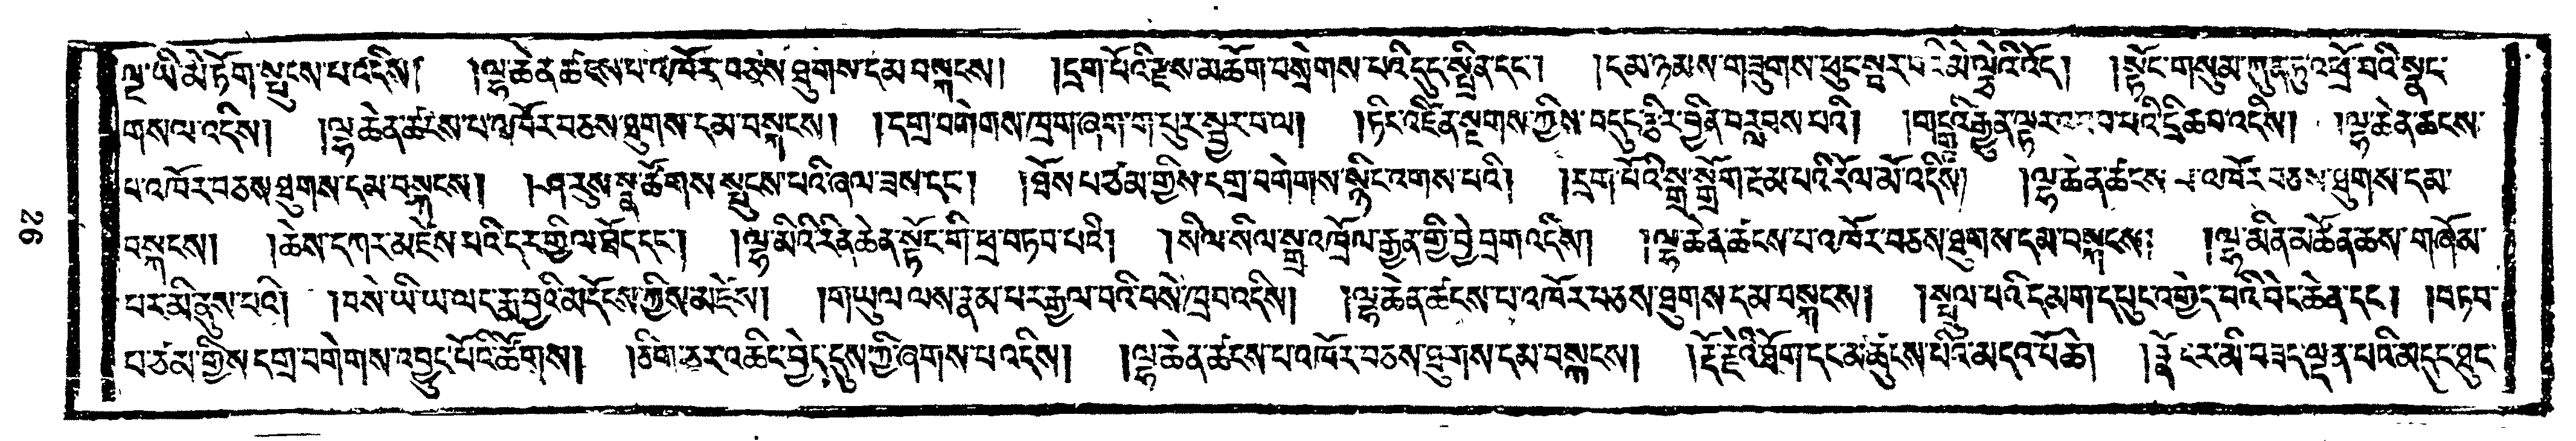ལྔ་ཡི་མེ་ཏོག་སྤུངས་པ་འདིས། །ལྷ་ཆེན་ཚངས་པ་འཁོར་བཅས་ཐུགས་དམ་བསྐངས། །དྲག་པོའི་རྫས་མཆོག་བསྲེགས་པའི་དུད་སྤྲིན་དང་། །དམ་ཉམས་གཟུགས་ཕུང་སྦར་བའི་མེ་ལྕེའི་འོད། །སྟོང་གསུམ་ཀུན་ཏུ་འཕྲོ་བའི་སྣང་
གསལ་འདིས། །ལྷ་ཆེན་ཚངས་པ་འཁོར་བཅས་ཐུགས་དམ་བསྐངས། །དགྲ་བགེགས་ཁྲག་ཞག་ག་པུར་སྦྱར་བ་ལ། །ཏིང་འཛིན་སྔགས་ཀྱིས་བདུད་རྩིར་བྱིན་བརླབས་པའི། །གངྒའི་རྒྱུན་ལྟར་འབབ་པའི་དྲི་ཆབ་འདིས། །ལྷ་ཆེན་ཆངས་
པ་འཁོར་བཅས་ཐུགས་དམ་བསྐངས། །ཤ་རུས་སྣ་ཚོགས་སྤུངས་པའི་ཞལ་ཟས་དང་། །ཐོས་པ་ཙམ་གྱིས་དགྲ་བགེགས་སྙིང་འགས་པའི། །དྲག་པོའི་སྒྲ་སྒྲོག་རྔམ་པའི་རོལ་མོ་འདིས། །ལྷ་ཆེན་ཚངས་པ་འཁོར་བཅས་ཐུགས་དམ་
བསྐངས། །ཆེས་དཀར་མཛེས་པའི་དར་གྱི་ལ་ཐོད་དང་། །ལྷ་མིའི་རིན་ཆེན་སྟོང་གི་ཕྲ་བཏབ་པའི། །སིལ་སིལ་སྒྲ་འཁྲོལ་རྒྱན་གྱི་བྱེ་བྲག་འདིས། །ལྷ་ཆེན་ཚངས་པ་འཁོར་བཅས་ཐུགས་དམ་བསྐངས། །ལྷ་མིན་མཚོན་ཆས་གཞོམ་
པར་མི་ནུས་པའི། །བསེ་ཡི་ཡ་ལང་རྨ་བྱའི་མདོངས་ཀྱིས་མཛེས། །གཡུལ་ལས་རྣམ་པར་རྒྱལ་བའི་བསེ་ཁྲབ་འདིས། །ལྷ་ཆེན་ཚངས་པ་འཁོར་བཅས་ཐུགས་དམ་བསྐངས། །སྤྲུལ་པའི་དམག་དཔུང་འགྱེད་བའི་བེང་ཆེན་དང་། །བཏབ་
པ་ཙམ་གྱིས་དགྲ་བགེགས་འབྱུང་པོའི་ཚོགས། །ཅིག་ཅར་འཆིང་བྱེད་དུས་ཀྱི་ཞགས་པ་འདིས། །ལྷ་ཆེན་ཚངས་པ་འཁོར་བཅས་ཐུགས་དམ་བསྐངས། །རྡོ་རྗེའི་ཐོག་དང་མཚུངས་པའི་མདའ་པོ་ཆེ། །རྣོ་ངར་མི་བཟད་ལྡན་པའི་མདུང་ཐུང་